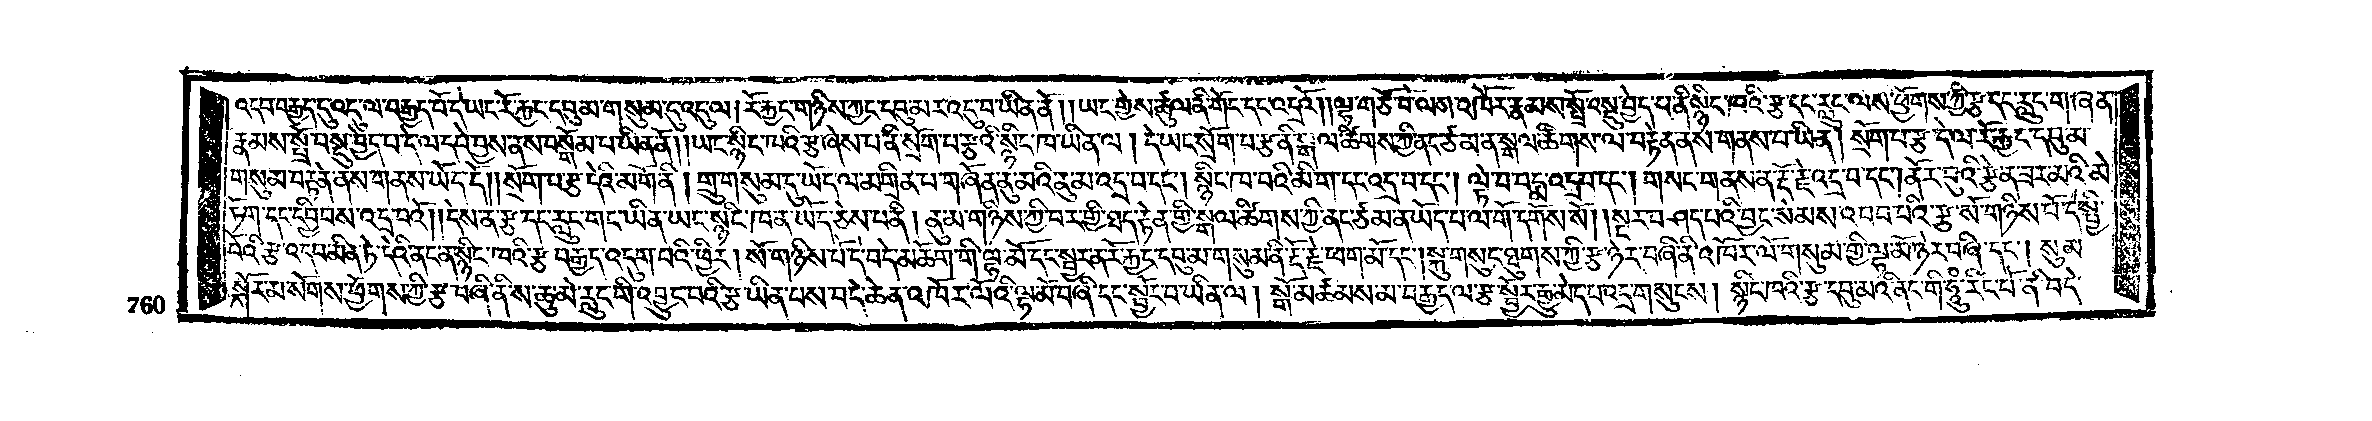འདབ་བརྒྱད་དུ་འདུ་ལ་བརྒྱད་པོ་དེ་ཡང་རོ་རྐྱང་དབུ་མ་གསུམ་དུ་འདུ་ལ། རོ་རྐྱང་གཉིས་ཀྱང་དབུ་མར་འདུ་བ་ཡིན་ནོ། །ཡང་གྱིས་ཚུལ་ནི་གོང་དང་འདྲའོ། །ལྷ་གཙོ་བོ་ལག་འཁོར་རྣམས་སྤྲོ་བསྡུ་བྱེད་པ་ནི་སྙིང་ཁའི་རྩ་དང་རླུང་ལས་ཕྱོགས་ཀྱི་རྩ་དང་རླུང་གཞན་
རྣམས་སྤྲོ་བསྡུ་བྱེད་པ་དེ་ལ་དཔེ་བྱས་ནས་བསྒོམ་པ་ཡིན་ནོ། །ཡང་སྙིང་ཁའི་རྩ་ཞེས་པ་ནི་སྲོག་པ་རྩའི་སྙིང་ཁ་ཡིན་ལ། དེ་ཡང་སྲོག་པ་རྩ་ནི་སྒལ་ཚིགས་ཀྱི་ནང་ཙམ་ན་སྒལ་ཚིགས་ལ་བརྟེན་ནས་གནས་པ་ཡིན། སྲོག་པ་རྩ་དེ་ལ་རོ་རྐྱང་དབུ་མ་
གསུམ་བརྟེན་ནས་གནས་ཡོད་དོ། །སྲོག་པ་རྩ་དེའི་མགོ་ནི། གྲུ་གསུམ་དུ་ཡོད་ལ་མགྲིན་པ་གཞོན་ནུ་མའི་ནུ་མ་འདྲ་བ་དང་། སྙིང་ཁ་བའི་མིག་དང་འདྲ་བ་དང་། ལྟེ་བ་པདམ་འདྲ་བ་དང་། གསང་གནས་ན་རྡོ་རྗེ་འདྲ་བ་དང་། ནོར་བུའི་རྩེ་ན་ཟར་མའི་མེ་
ཏོག་དང་དབྱིབས་འདྲ་བའོ། །དེས་ན་རྩ་དང་རླུང་གང་ཡིན་ཡང་སྙིང་ཁ་ན་ཡོད་ཅེས་པ་ནི། ནུ་མ་གཉིས་ཀྱི་བར་གྱི་ཐད་རྟེན་གྱི་སྒལ་ཚིགས་ཀྱི་ནང་ཙམ་ན་ཡོད་པ་ལ་གོ་དགོས་སོ། །སྔར་བཤད་པའི་བྱང་སེམས་འབབ་པའི་རྩ་སོ་གཉིས་པོ་དེ་སྤྱི་
བོའི་རྩ་འདབ་མིན་ཏེ་དེའི་ནང་ན་སྙིང་ཁའི་རྩ་བརྒྱད་འདུག་པའི་ཕྱིར། སོ་གཉིས་པོ་དེ་བདེ་མཆོག་གི་ལྷ་མོ་དང་སྦྱར་ན་རོ་རྐྱང་དབུ་མ་གསུམ་ནི་རྡོ་རྗེ་ཕག་མོ་དང་། སྐུ་གསུང་ཐུགས་ཀྱི་རྩ་ཉེར་བཞི་ནི་འཁོར་ལོ་གསུམ་གྱི་ལྷ་མོ་ཉེར་བཞི་དང་། སུམ་
སྐོར་མ་སོགས་ཕྱོགས་ཀྱི་རྩ་བཞི་ནི་ས་ཆུ་མེ་རླུང་གི་འབྱུང་བའི་རྩ་ཡིན་པས་བདེ་ཆེན་འཁོར་ལོའི་ལྷ་མོ་བཞི་དང་སྦྱོར་བ་ཡིན་ལ། སྒོ་མཚམས་མ་བརྒྱད་ལ་རྩ་སྦྱོར་རྒྱུ་མེད་པ་འདྲ་གསུངས། སྙིང་ཁའི་རྩ་དབུ་མའི་ནང་གི་ཧཱུམ་རིང་པོ་ནི་བདེ་